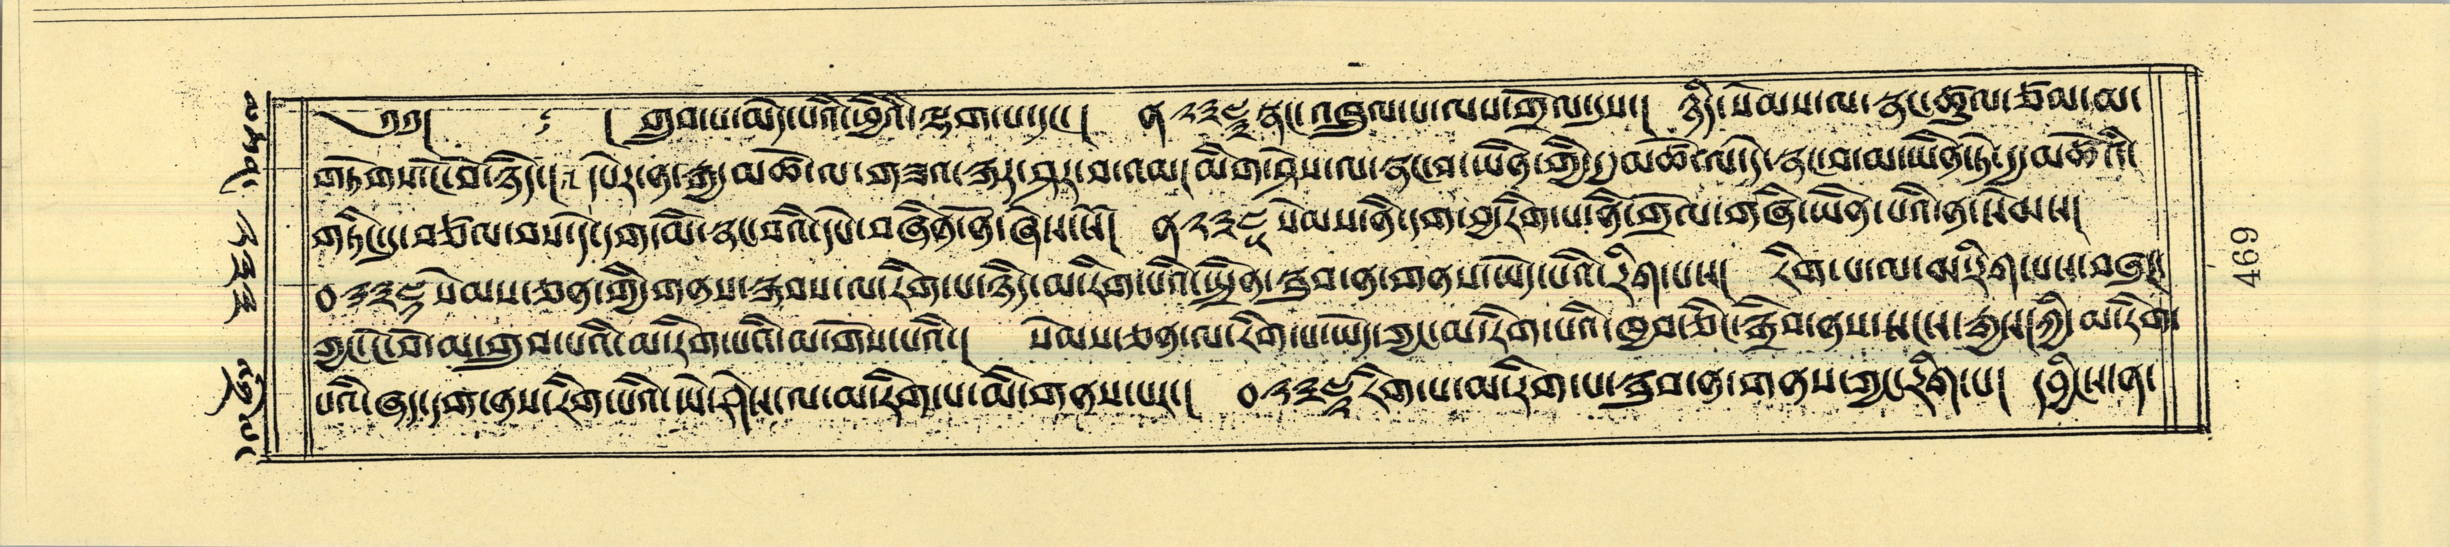གྲུབ་པ་མེད་པའི་ཕྱིའི་ལྷག་པ་དང་། ན༢༣༤།༣ ༼སྣང༽འཁྲུལ་པ་ལས་གྲོལ་དུས་༼ཉིད༽སེམས་ལ་སྣང་ཚུལ་ཙམ་མ་
གཏོགས་ངོ་བོ་ཉིད་དཔེར་ན་རྒྱ་མཚོ་ལ་གཟའ་སྐར་ཤར་བ་འམ། མིག་ཤེས་ལ་སྣང་བ་ཡིན་གྱི་རྒྱ་མཚོ་ལ་དེ་སྣང་བ་མ་ཡིན་ཏེ། རྒྱ་མཚོའི་
གཏིང་དུ་བཙལ་བས་དེ་དག་མི་སྣང་བའི་དཔེ་བཞིན་ནོ། ཞེས་སོ། ན༢༣༤།༥སེམས་ནི་དག་བྱ། རིག་པ་ནི་གྲོལ་གཞི་ཡིན་པས་ན་༼སེམས༽
བ༣༣༤།༡སེམས་ཅན་གྱི་གནས་སྐབས་ལ་རིག་པ་ཉིད་མ་རིག་པའི་སྥྲིན་སྦུབས་ན་གནས་ཡོད་པའི་༼རིག་པས༽རིག་པ་ལ་༼མ་རིག་པས༽བཞུགས་
ཀྱང་ངོ་བོ་མ་གྲུབ་པའི་མ་རིག་པས་མ་གོས་པའི། སེམས་ཅན་མ་རིག་པ་ཡོད་ཀྱང་མ་རིག་པས་ཁྱབ་ཅིང་བསྒྲིབས་ནས་ ༼སངས་རྒྱས་ཀྱི༽མ་རིག་
པའི་ཞིང་དག་ནས་རིག་པའི་ཡེ་ཤེས་ལ་མ་རིག་པ་མི་གནས་པར་བ༢༣༤།༢རིག་པ་མ་རིག་པའི་སྦུབས་ན་གནས་ཀྱང་༼རིག་པ༽༼དབྱིངས་ན༽